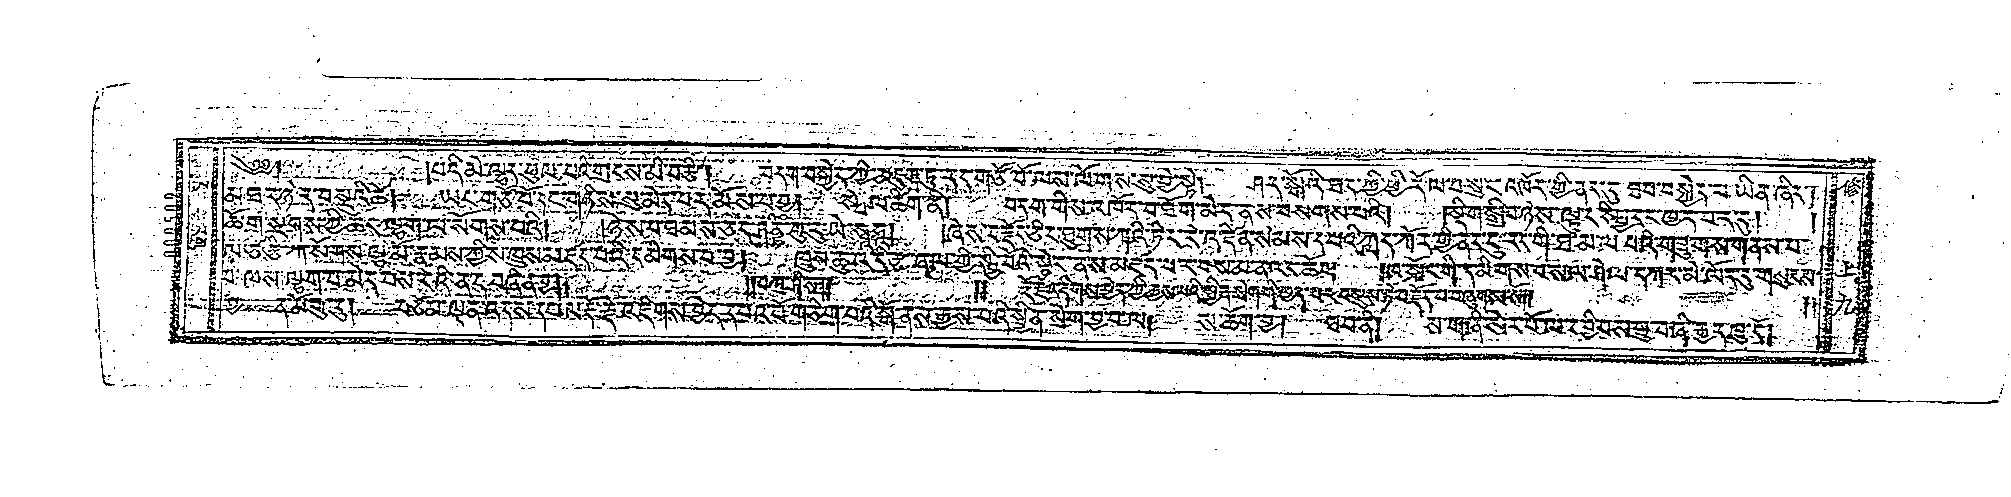༄༅། །པའི་མེ་ལྷར་ཕུལ་པའི་གྲངས་མི་བརྩི། བདག་བསྐྱེད་ཀྱི་མཇུག་ཏུ་རང་གཙོ་བོ་ལས་ལོགས་སུ་བྱེ་སྟེ། ཤར་སྒོའི་ཐད་ཀྱི་ཕྱི་རོལ་བསྲུང་འཁོར་གྱི་ནང་དུ་ཐབ་བསྐྱེད་པ་ཡིན་ཞིང་།
མཐར་ཉེར་བསྡུའི་ཚེ། ཡང་གཙོ་བོ་དང་གཉིས་སུ་མེད་པར་མོས་པ་བྱ། སྤེལ་ཚིག་ནི། བདག་གིས་འཁོར་བ་ཐོག་མེད་ནས་བསགས་པའི། །སྡིག་སྒྲིབ་ཉེས་ལྟུར་སྤྱི་དང་ཁྱད་པར་དུ། །
ཆོ་ག་སྔགས་ཀྱི་ཆད་ལྷག་ལ་སོགས་པའི། །ཉེས་པ་ཐམས་ཅད་ཤནྟིཾ་ཀུ་རུ་ཡེ་སྭཱཧཱ། །ཞེས་བརྗོད་ཅིང་ཐུགས་ཀའི་ཏིང་ངེ་འཛིན་སེམས་དཔའི་ཀླད་ཀོར་གྱི་ནང་དུ་རང་གི་ཐ་མལ་པའི་གཟུགས་གནས་པ་
ལ་ཙ་རྩི་ཀ་སོགས་ལྷ་མོ་རྣམས་ཀྱིས་ཁྲུས་མཛད་པའི་དམིགས་པ་བྱ། ཁྲུས་ཆུ་འདི་རྩ་ཞལ་གྱི་སྤྱི་བོའི་སྟེང་ནས་མཛད་པར་བསམ་ནའང་ཆོག །ཁ་སྐོང་གི་དམིགས་བསལ་ཤེལ་དཀར་མེ་ལོང་དུ་གསུངས་
པ་ལས་ལྷག་པ་མེད་པས་དེའི་ནང་བཞིན་བྱ།། །།བཀྲ་ཤིས།། །།རྡོ་རྗེ་འཇིགས་བྱེད་ཀྱི་རྒྱས་པའི་སྦྱིན་སྲེག་གི་ཁྱད་པར་བསྡུས་ཏེ་བརྗོད་པ་བཞུགས་སོ།། །།
༧་ན་མོ་གུ་རུ། བཅོམ་ལྡན་འདས་དཔལ་རྡོ་རྗེ་འཇིགས་བྱེད་དཔའ་བོ་གཅིག་པའི་སྒོ་ནས་རྒྱས་པའི་སྦྱིན་སྲེག་བྱ་བ་ལ། ས་ཆོག་བྱ། ཐབ་ནི། ས་གཞི་སེར་པོ་ལ་དབྱིབས་གྲུ་བཞི་རྒྱར་ཁྲུ་ངོ།